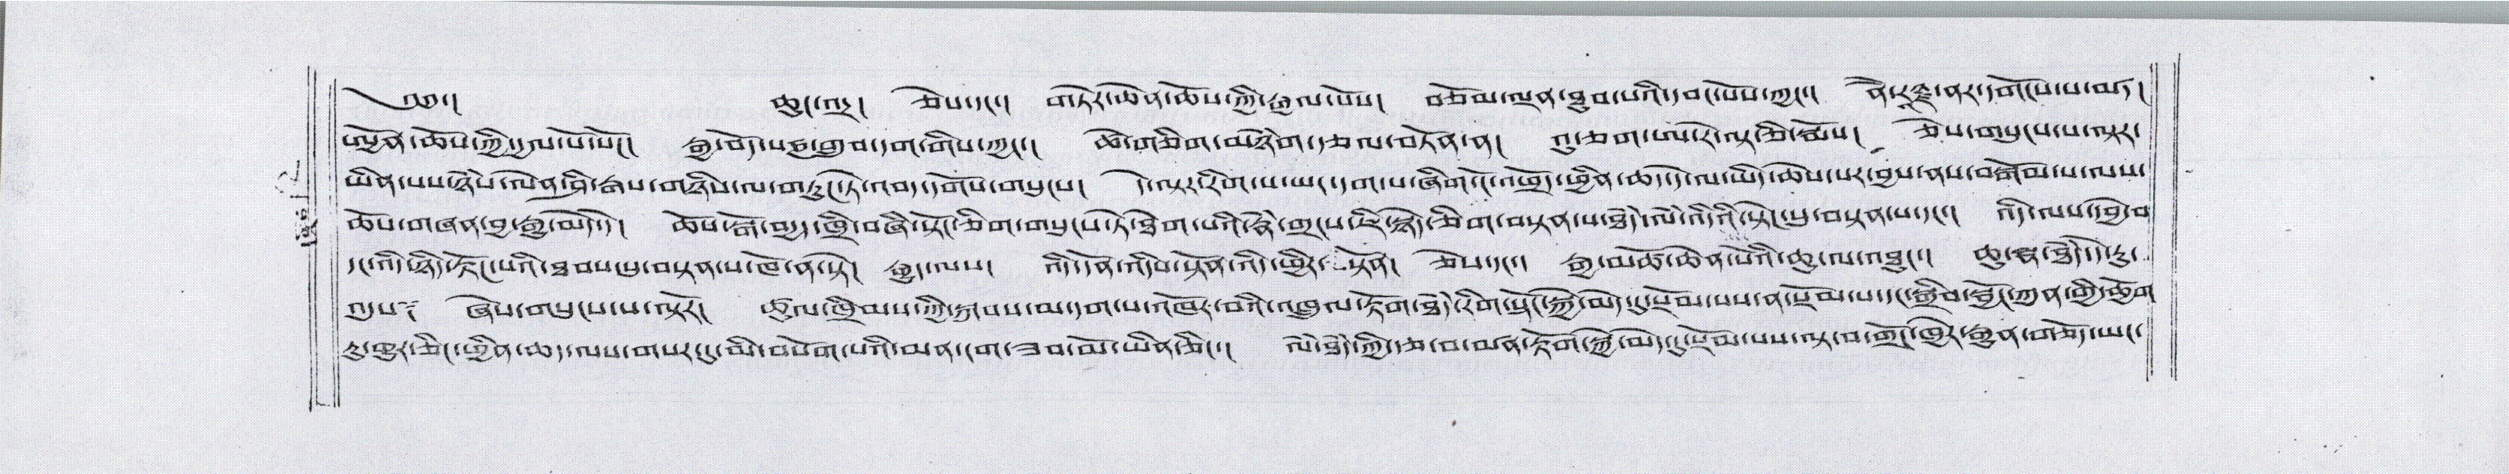ཆུང་འདྲ། ཞེས་དང་། གཏེར་ཆེན་ཆོས་ཀྱི་རྒྱལ་པོས། བཅོམ་ལྡན་ཐུབ་པའི་དབང་པོས་ཀྱང་། ནཻ་རཱཉྗ་ནར་དགོངས་པ་མཛད། 
ཨོ་རྒྱན་ཆོས་ཀྱི་རྒྱལ་པོ་སོགས། རྒྱ་བོད་པཎ་གྲུབ་དག་གིས་ཀྱང་། ཚེ་གཅིག་མཉམ་གཞག་རྩལ་བཏོན་ན། འུ་ཅག་ཨ་རེ་ལྟ་མི་སྨོས། ཅེས་གསུངས་པ་ལྟར་
ཡིན་པས་ཉམས་ལེན་ཤི་རྒས་གཉིས་ལ་གཏུག་སྟེ་འབད་དགོས་གསུངས། དེ་ལྟར་རིག་པ་ཡང་དག་པ་ཞིག་ངོ་འཕྲོད་ཕྱིན་ཆད་དེ་ལ་ཡིད་ཆེས་པར་བྱེད་ནས་བསྒོམ་པ་ལས་
ཆོས་གཞན་བྱ་རྒྱུ་མེད་དེ། ཆོས་སྒོ་བརྒྱད་ཁྲི་བཞི་སྟོང་གཅིག་གསུངས་ཏེ་ཐེག་པའི་རྣམ་གྲངས་ཇི་སྙེད་ཅིག་བསྟན་པ་ཐམས་ཅད་ལམ་འདིའི་སྟེང་དུ་བསྟན་པ་དང་། འདི་ལས་དབྱེ་བ་
དང་འདི་ཉིད་རྟོགས་པའི་ཐབས་སུ་བསྟན་པ་ཁོ་ན་སྟེ། རྒྱུད་ལས། འདི་དོན་འདིས་སྟོན་འདི་ཕྱིར་སྟོན། ཅེས་དང་། རྒྱ་མཚོ་ཆེན་པོའི་ཆུ་ལ་འཐུང་། ཆུ་སྣ་ཐམས་ཅད་དེ་ལ་
འདུས། ཞེས་གསུངས་པ་ལྟར་རོ། ཚུལ་ཁྲིམས་ཀྱི་སྐབས་མ་དག་པ་འཁོར་བའི་འཁྲུལ་རྟོག་ཐམས་ཅད་རིག་སྟོང་སྐྱེ་མེད་དུ་སྡོམ་པས་ན་སྡོམ་པ་དང་སྒྲིབ་སྦྱོང་ཀུན་གྱི་མཆོག་
ཏུ་གྱུར་ཅིང་ཕྱིན་ཆད་ལས་གསར་དུ་མི་གསོག་པའི་མན་ངག་ཟབ་མོ་ཡིན་ཅིང་། ལམ་ཐམས་ཅད་ཀྱི་རྩ་བ་མཚན་རྟོག་སྐྱེ་མེད་དུ་སྡོམ་པས་ལྟ་བ་གྲོང་ཁྱེར་རྒྱུན་གཅོད་ཡང་